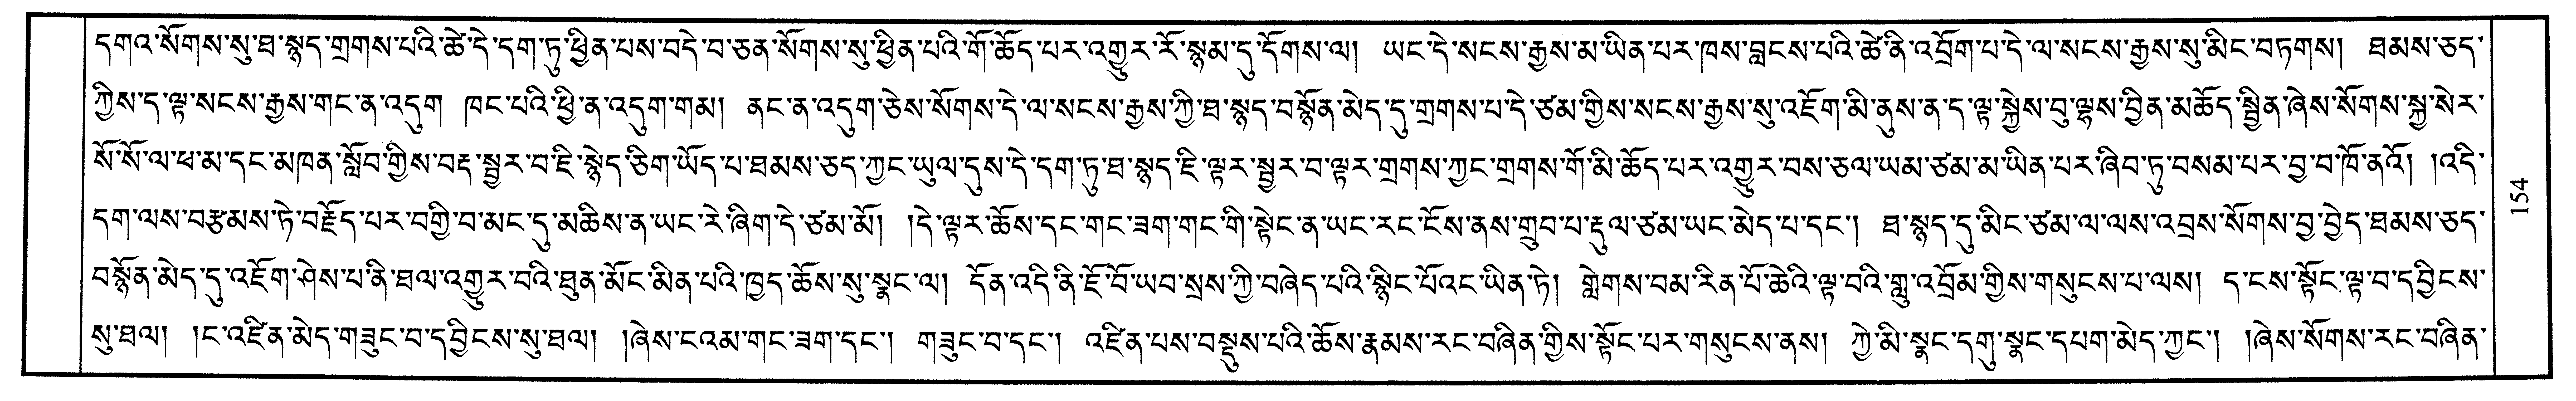དགའ་སོགས་སུ་ཐ་སྙད་གྲགས་པའི་ཚེ་དེ་དག་ཏུ་ཕྱིན་པས་བདེ་བ་ཅན་སོགས་སུ་ཕྱིན་པའི་གོ་ཆོད་པར་འགྱུར་རོ་སྙམ་དུ་དོགས་ལ། ཡང་དེ་སངས་རྒྱས་མ་ཡིན་པར་ཁས་བླངས་པའི་ཚེ་ནི་འབྲོག་པ་དེ་ལ་སངས་རྒྱས་སུ་མིང་བཏགས། ཐམས་ཅད་
ཀྱིས་ད་ལྟ་སངས་རྒྱས་གང་ན་འདུག །ཁང་པའི་ཕྱི་ན་འདུག་གམ། ནང་ན་འདུག་ཅེས་སོགས་དེ་ལ་སངས་རྒྱས་ཀྱི་ཐ་སྙད་བསྙོན་མེད་དུ་གྲགས་པ་དེ་ཙམ་གྱིས་སངས་རྒྱས་སུ་འཇོག་མི་ནུས་ན་ད་ལྟ་སྐྱེས་བུ་ལྷས་བྱིན་མཆོད་སྦྱིན་ཞེས་སོགས་སྐྱ་སེར་
སོ་སོ་ལ་ཕ་མ་དང་མཁན་སློབ་གྱིས་བརྡ་སྦྱར་བ་ཇི་སྙེད་ཅིག་ཡོད་པ་ཐམས་ཅད་ཀྱང་ཡུལ་དུས་དེ་དག་ཏུ་ཐ་སྙད་ཇི་ལྟར་སྦྱར་བ་ལྟར་གྲགས་ཀྱང་གྲགས་གོ་མི་ཆོད་པར་འགྱུར་བས་ཅལ་ཡམ་ཙམ་མ་ཡིན་པར་ཞིབ་ཏུ་བསམ་པར་བྱ་བ་ཁོ་ནའོ། །འདི་
དག་ལས་བརྩམས་ཏེ་བརྗོད་པར་བགྱི་བ་མང་དུ་མཆིས་ན་ཡང་རེ་ཞིག་དེ་ཙམ་མོ། །དེ་ལྟར་ཆོས་དང་གང་ཟག་གང་གི་སྟེང་ན་ཡང་རང་ངོས་ནས་གྲུབ་པ་རྡུལ་ཙམ་ཡང་མེད་པ་དང་། ཐ་སྙད་དུ་མིང་ཙམ་ལ་ལས་འབྲས་སོགས་བྱ་བྱེད་ཐམས་ཅད་
བསྙོན་མེད་དུ་འཇོག་ཤེས་པ་ནི་ཐལ་འགྱུར་བའི་ཐུན་མོང་མིན་པའི་ཁྱད་ཆོས་སུ་སྣང་ལ། དོན་འདི་ནི་ཇོ་བོ་ཡབ་སྲས་ཀྱི་བཞེད་པའི་སྙིང་པོའང་ཡིན་ཏེ། གླེགས་བམ་རིན་པོ་ཆེའི་ལྟ་བའི་གླུ་འབྲོམ་གྱིས་གསུངས་པ་ལས། ད་ངས་སྟོང་ལྟ་བ་དབྱིངས་
སུ་ཐལ། །ང་འཛིན་མེད་གཟུང་བ་དབྱིངས་སུ་ཐལ། །ཞེས་ངའམ་གང་ཟག་དང་། གཟུང་བ་དང་། འཛིན་པས་བསྡུས་པའི་ཆོས་རྣམས་རང་བཞིན་གྱིས་སྟོང་པར་གསུངས་ནས། ཀྱེ་མི་སྣང་དགུ་སྣང་དཔག་མེད་ཀྱང་། །ཞེས་སོགས་རང་བཞིན་